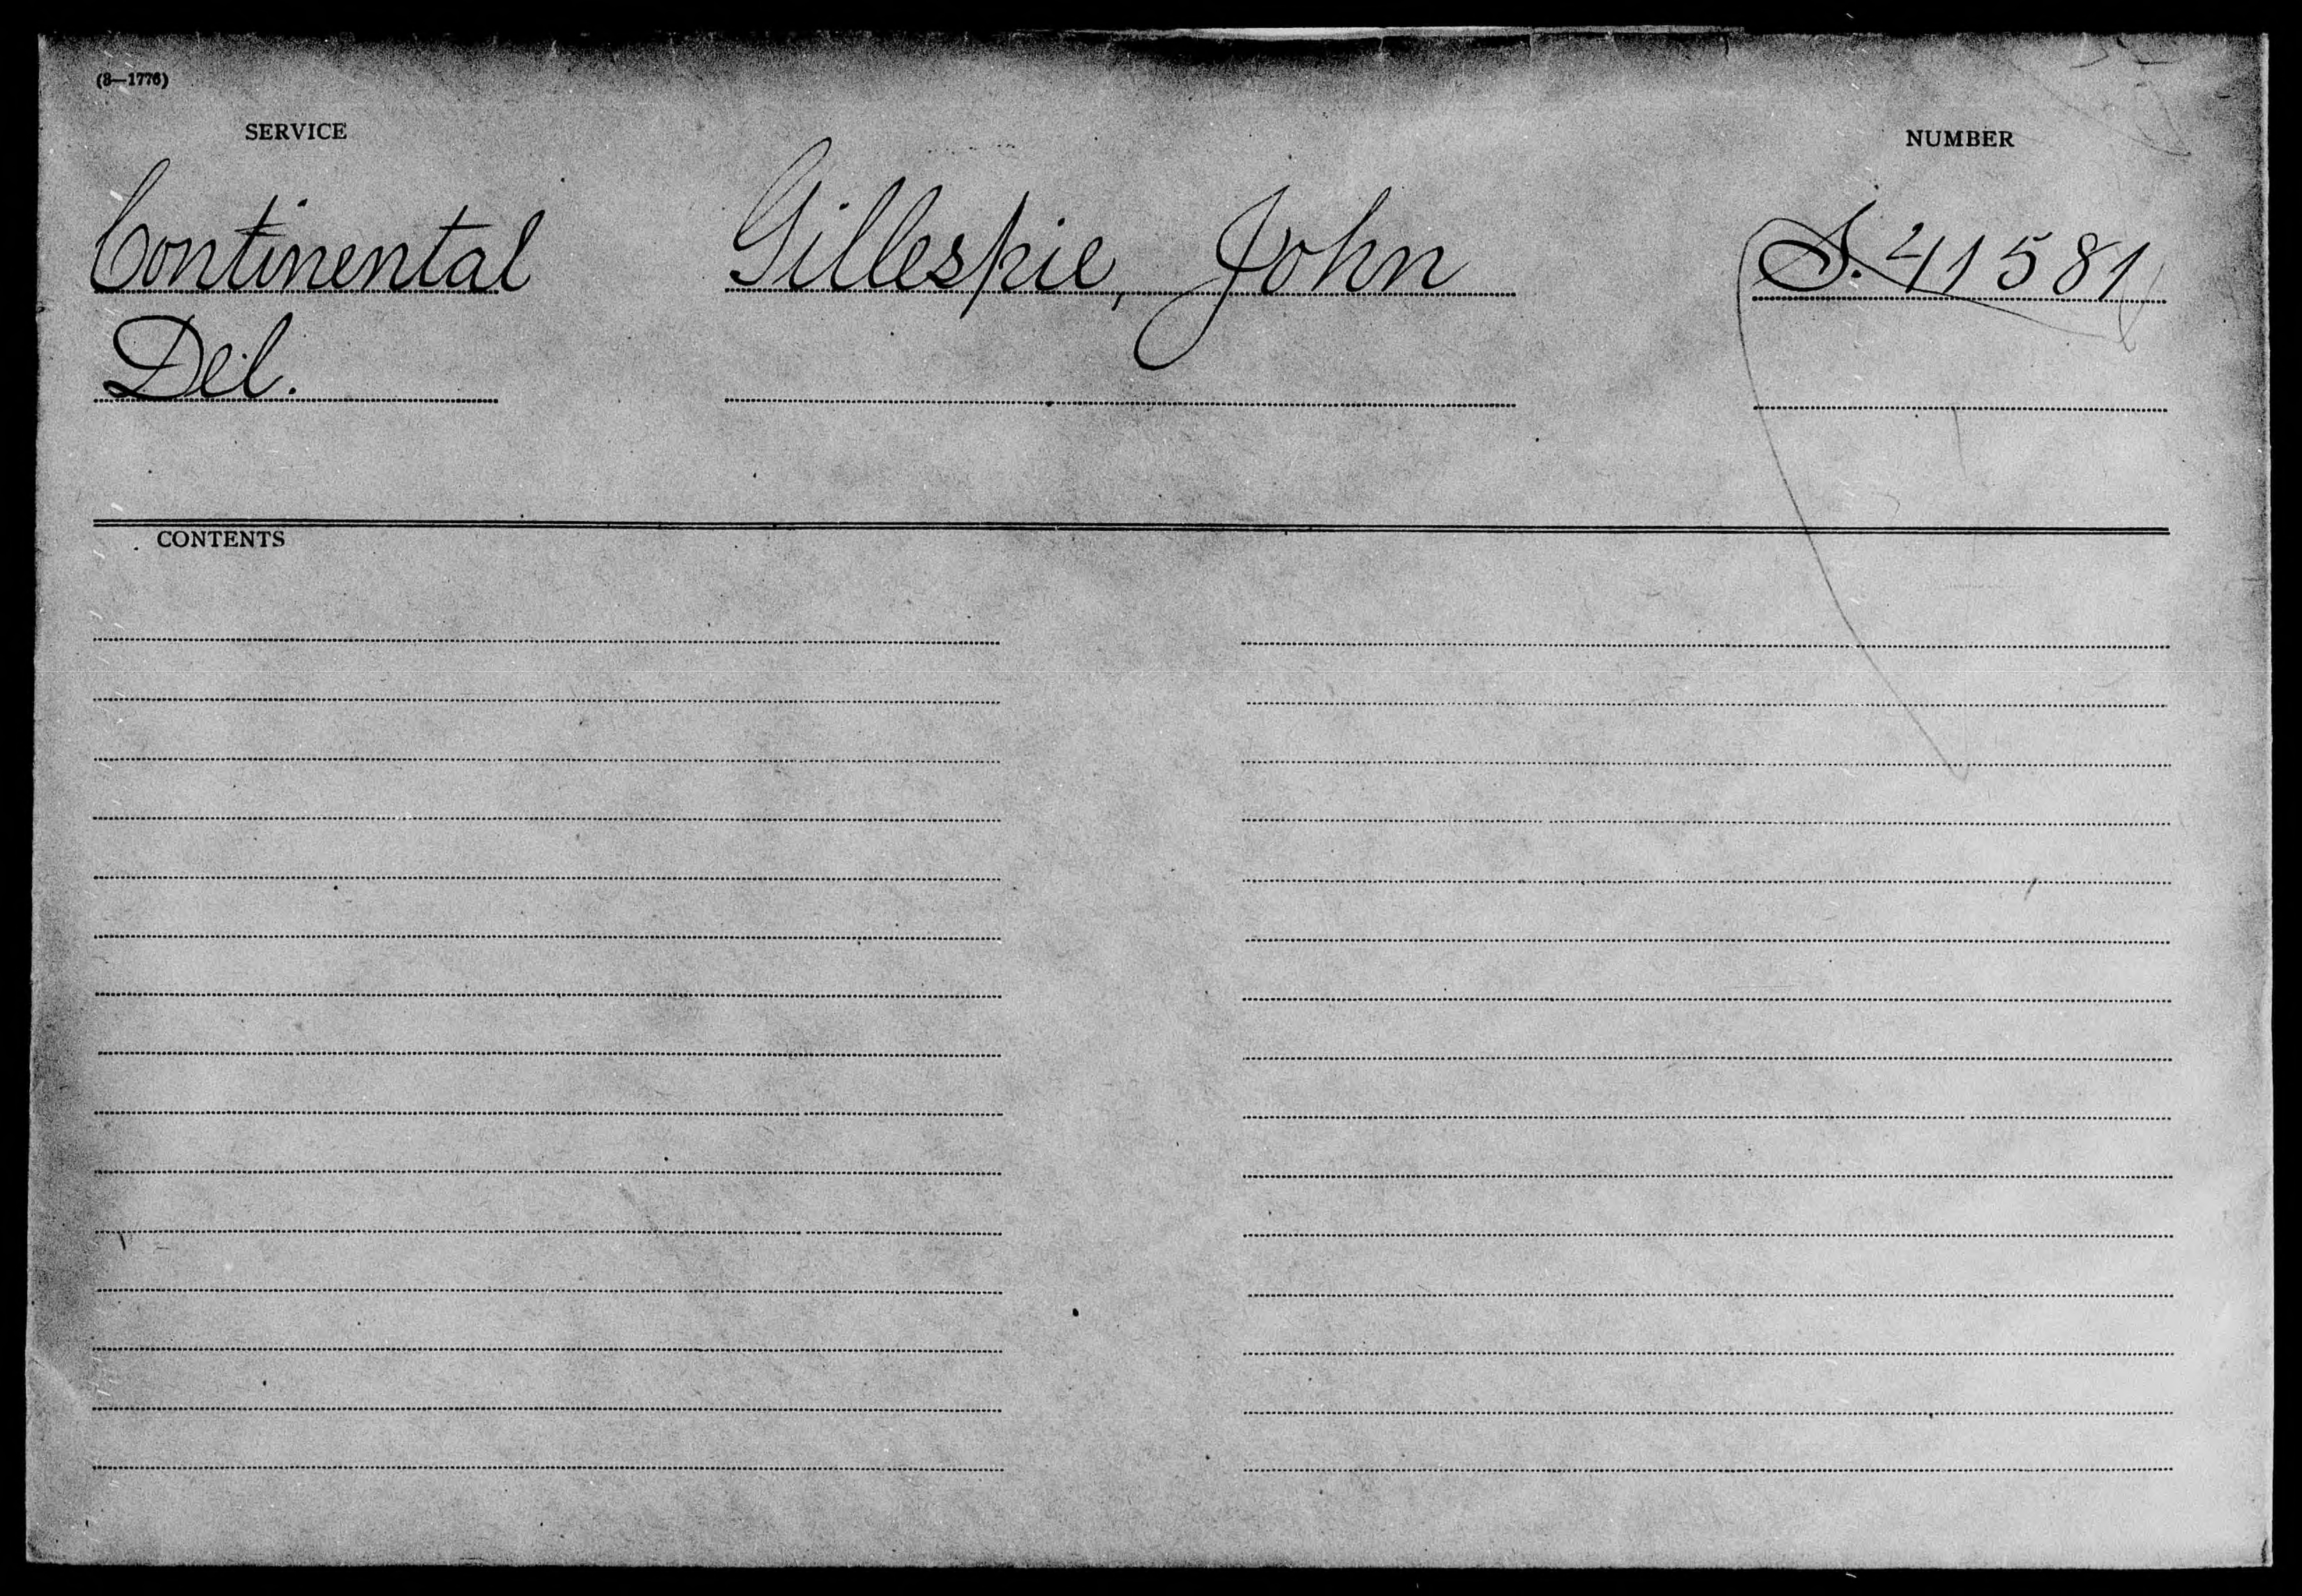Service Continental Del.
Gillespie, John
S.41581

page: 1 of 20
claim: survivor's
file: S. 41581, John Gillespie, Continental Del.